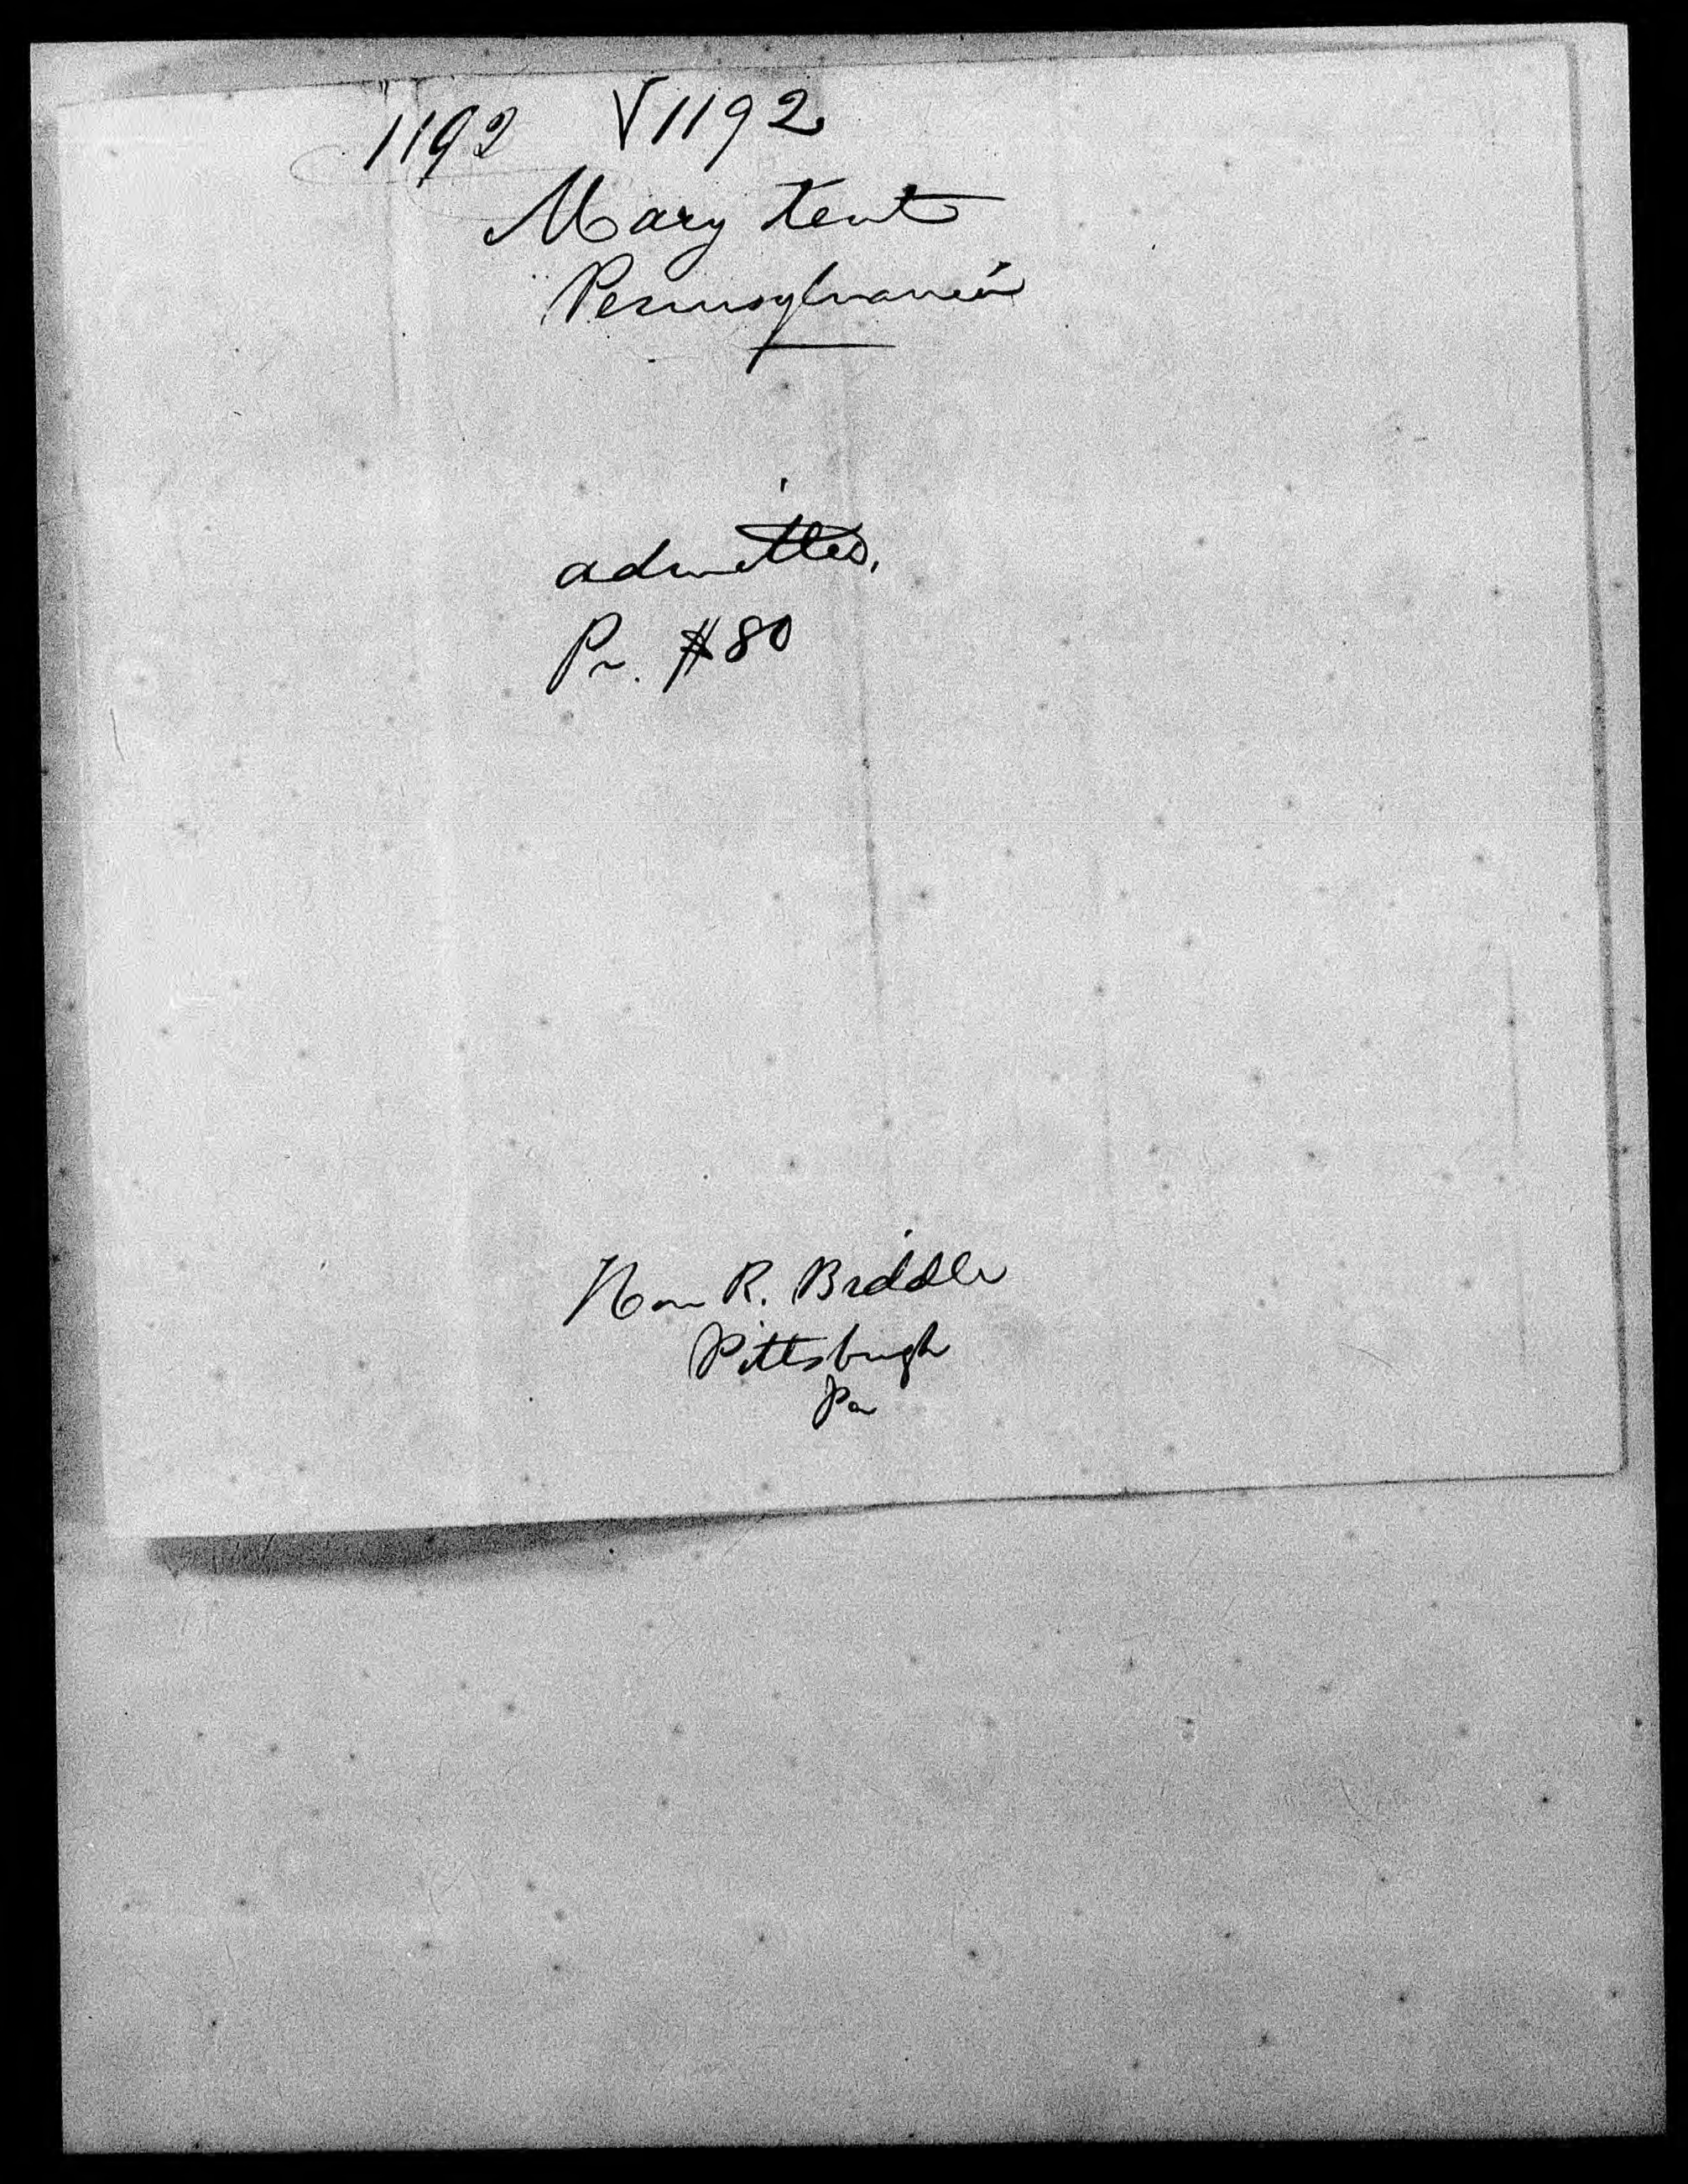1192 V1192
Mary Kent
Pennsylvania

admitted,
Pr. $80

Hon R. Biddle
Pittsburgh
Pa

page: 40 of 50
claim: widow's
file: W. 4253, for John Kent, Vermont